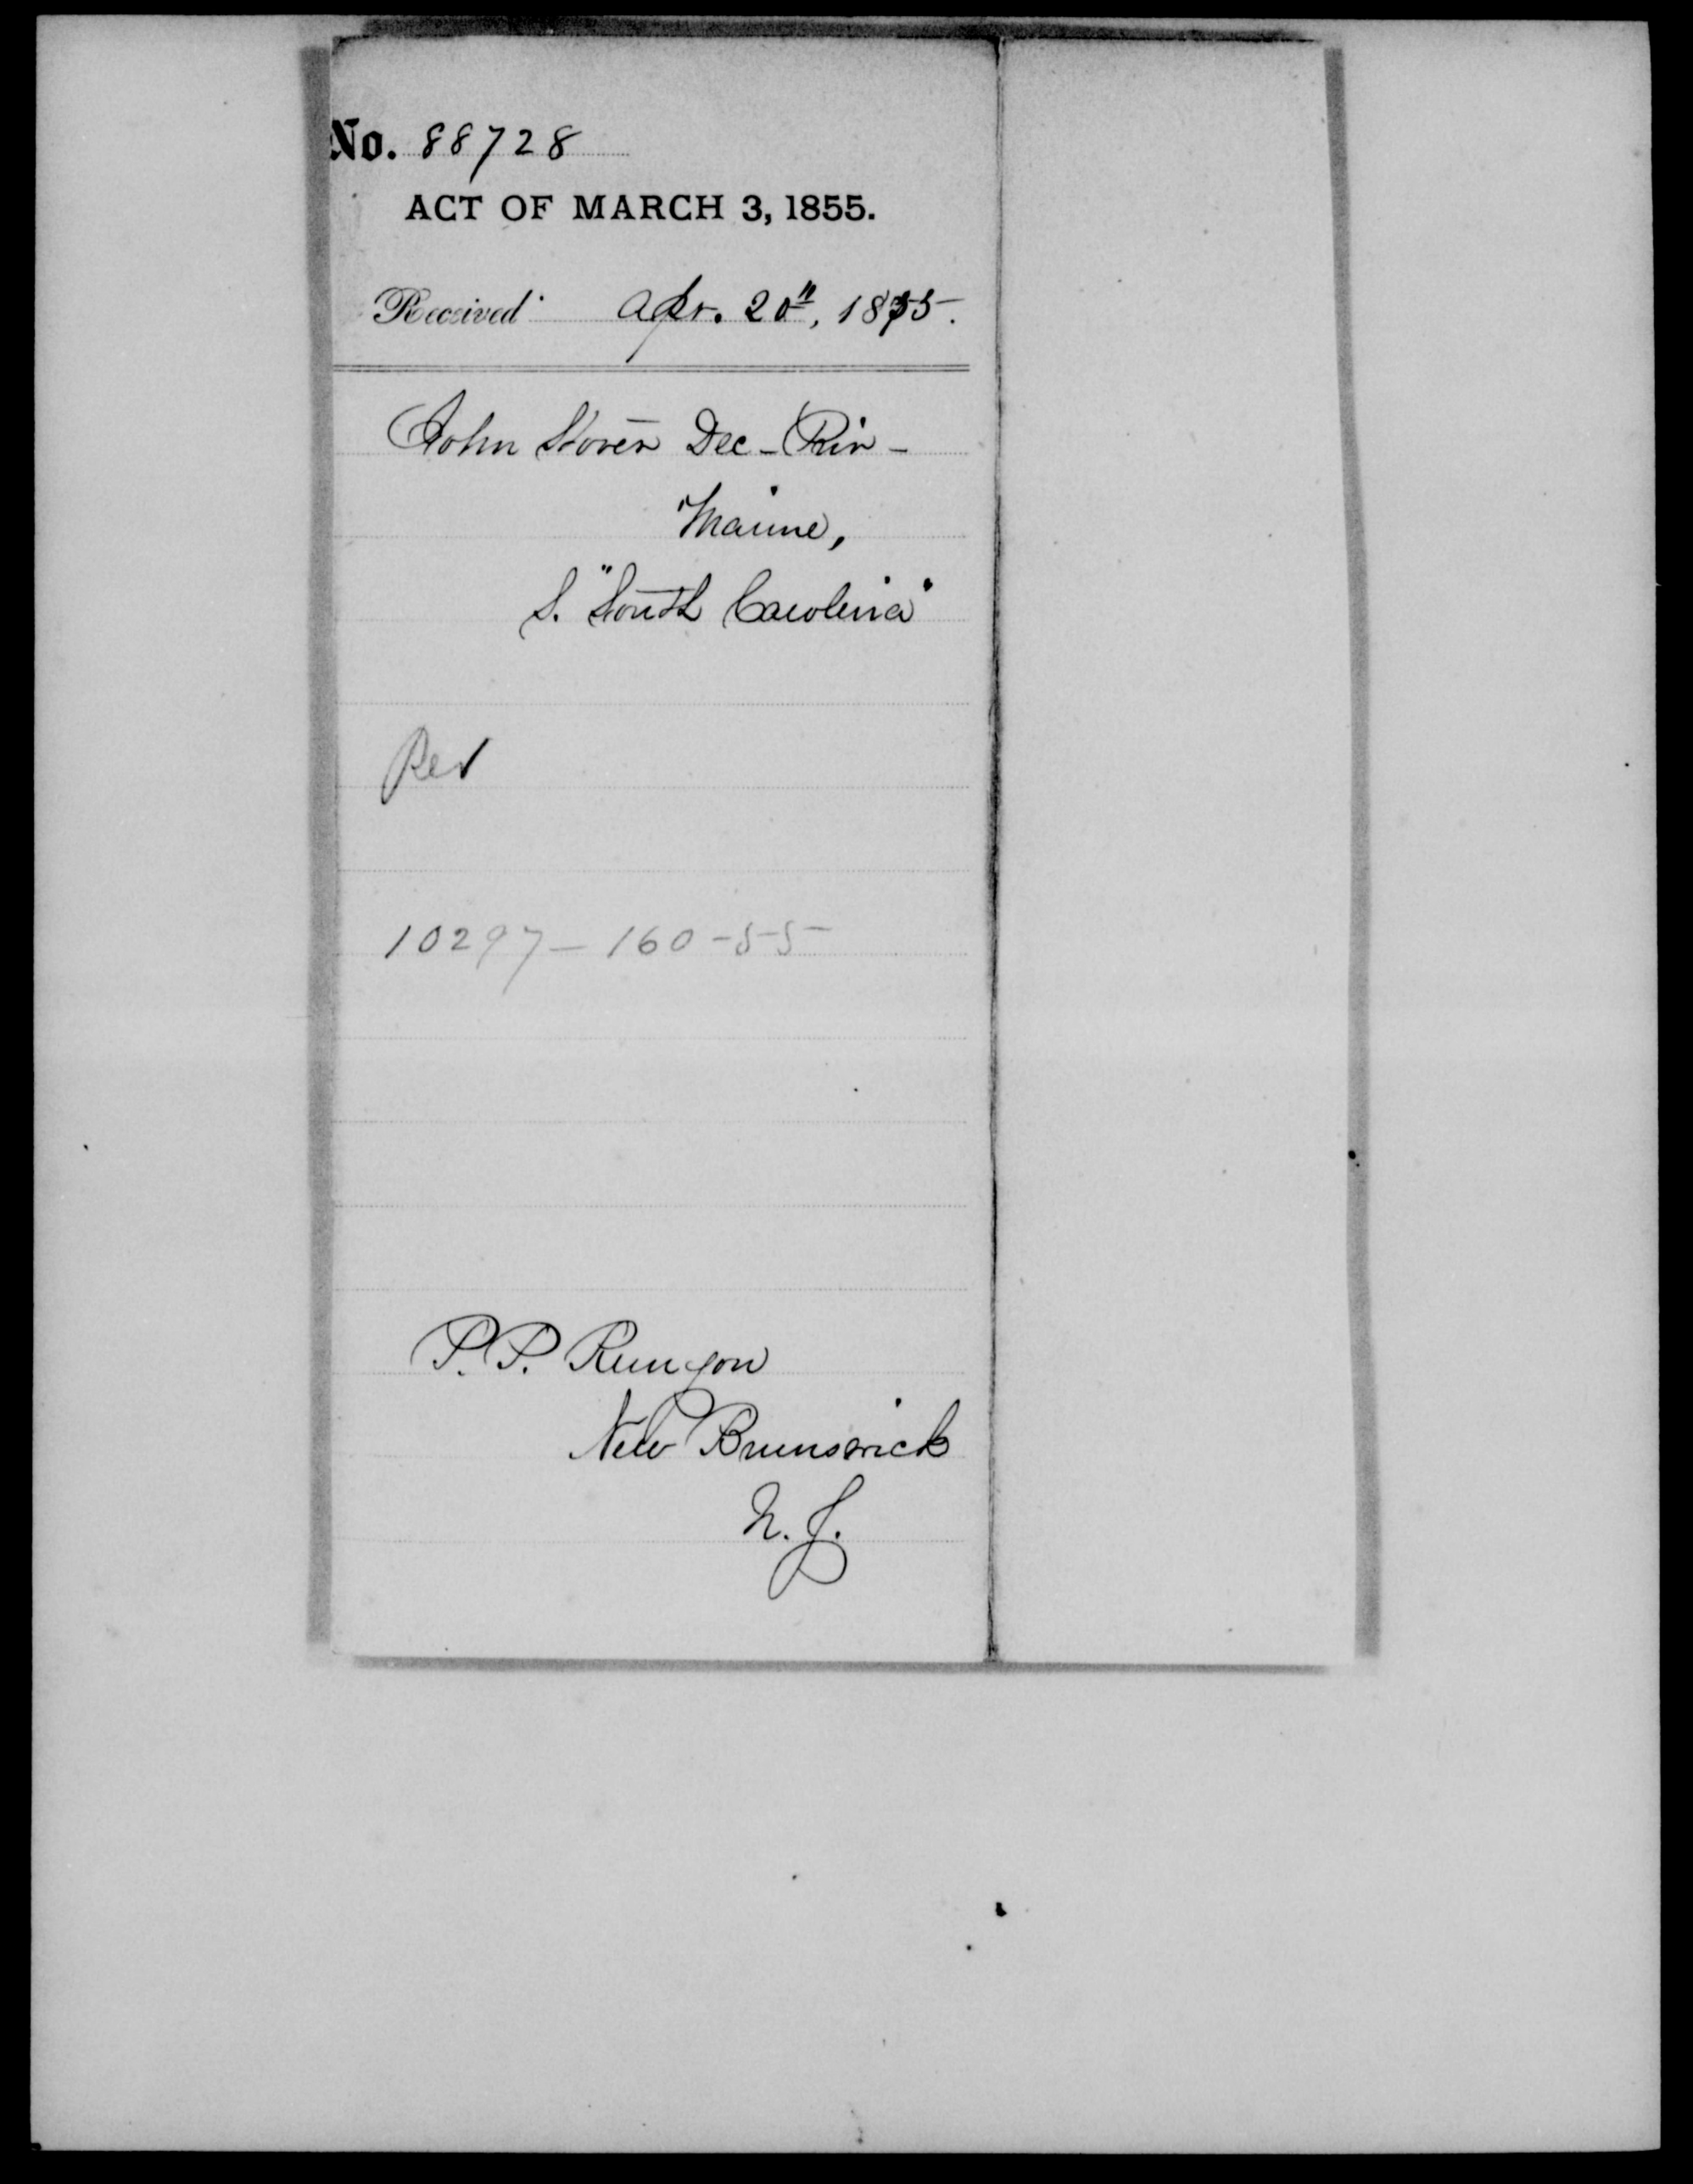No. 88,728
ACT OF MARCH 3, 1855.
Received Apr. 20th 1895.

John Slover, deceased pensioner.

Marine, S(hip) "South Carolina"
Rev(olutionary War)

10297-160-55

P.P. Runyon
New Brunswick, N.J.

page: 25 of 46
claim: widow's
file: W. 6205, for John Slover, New Jersey